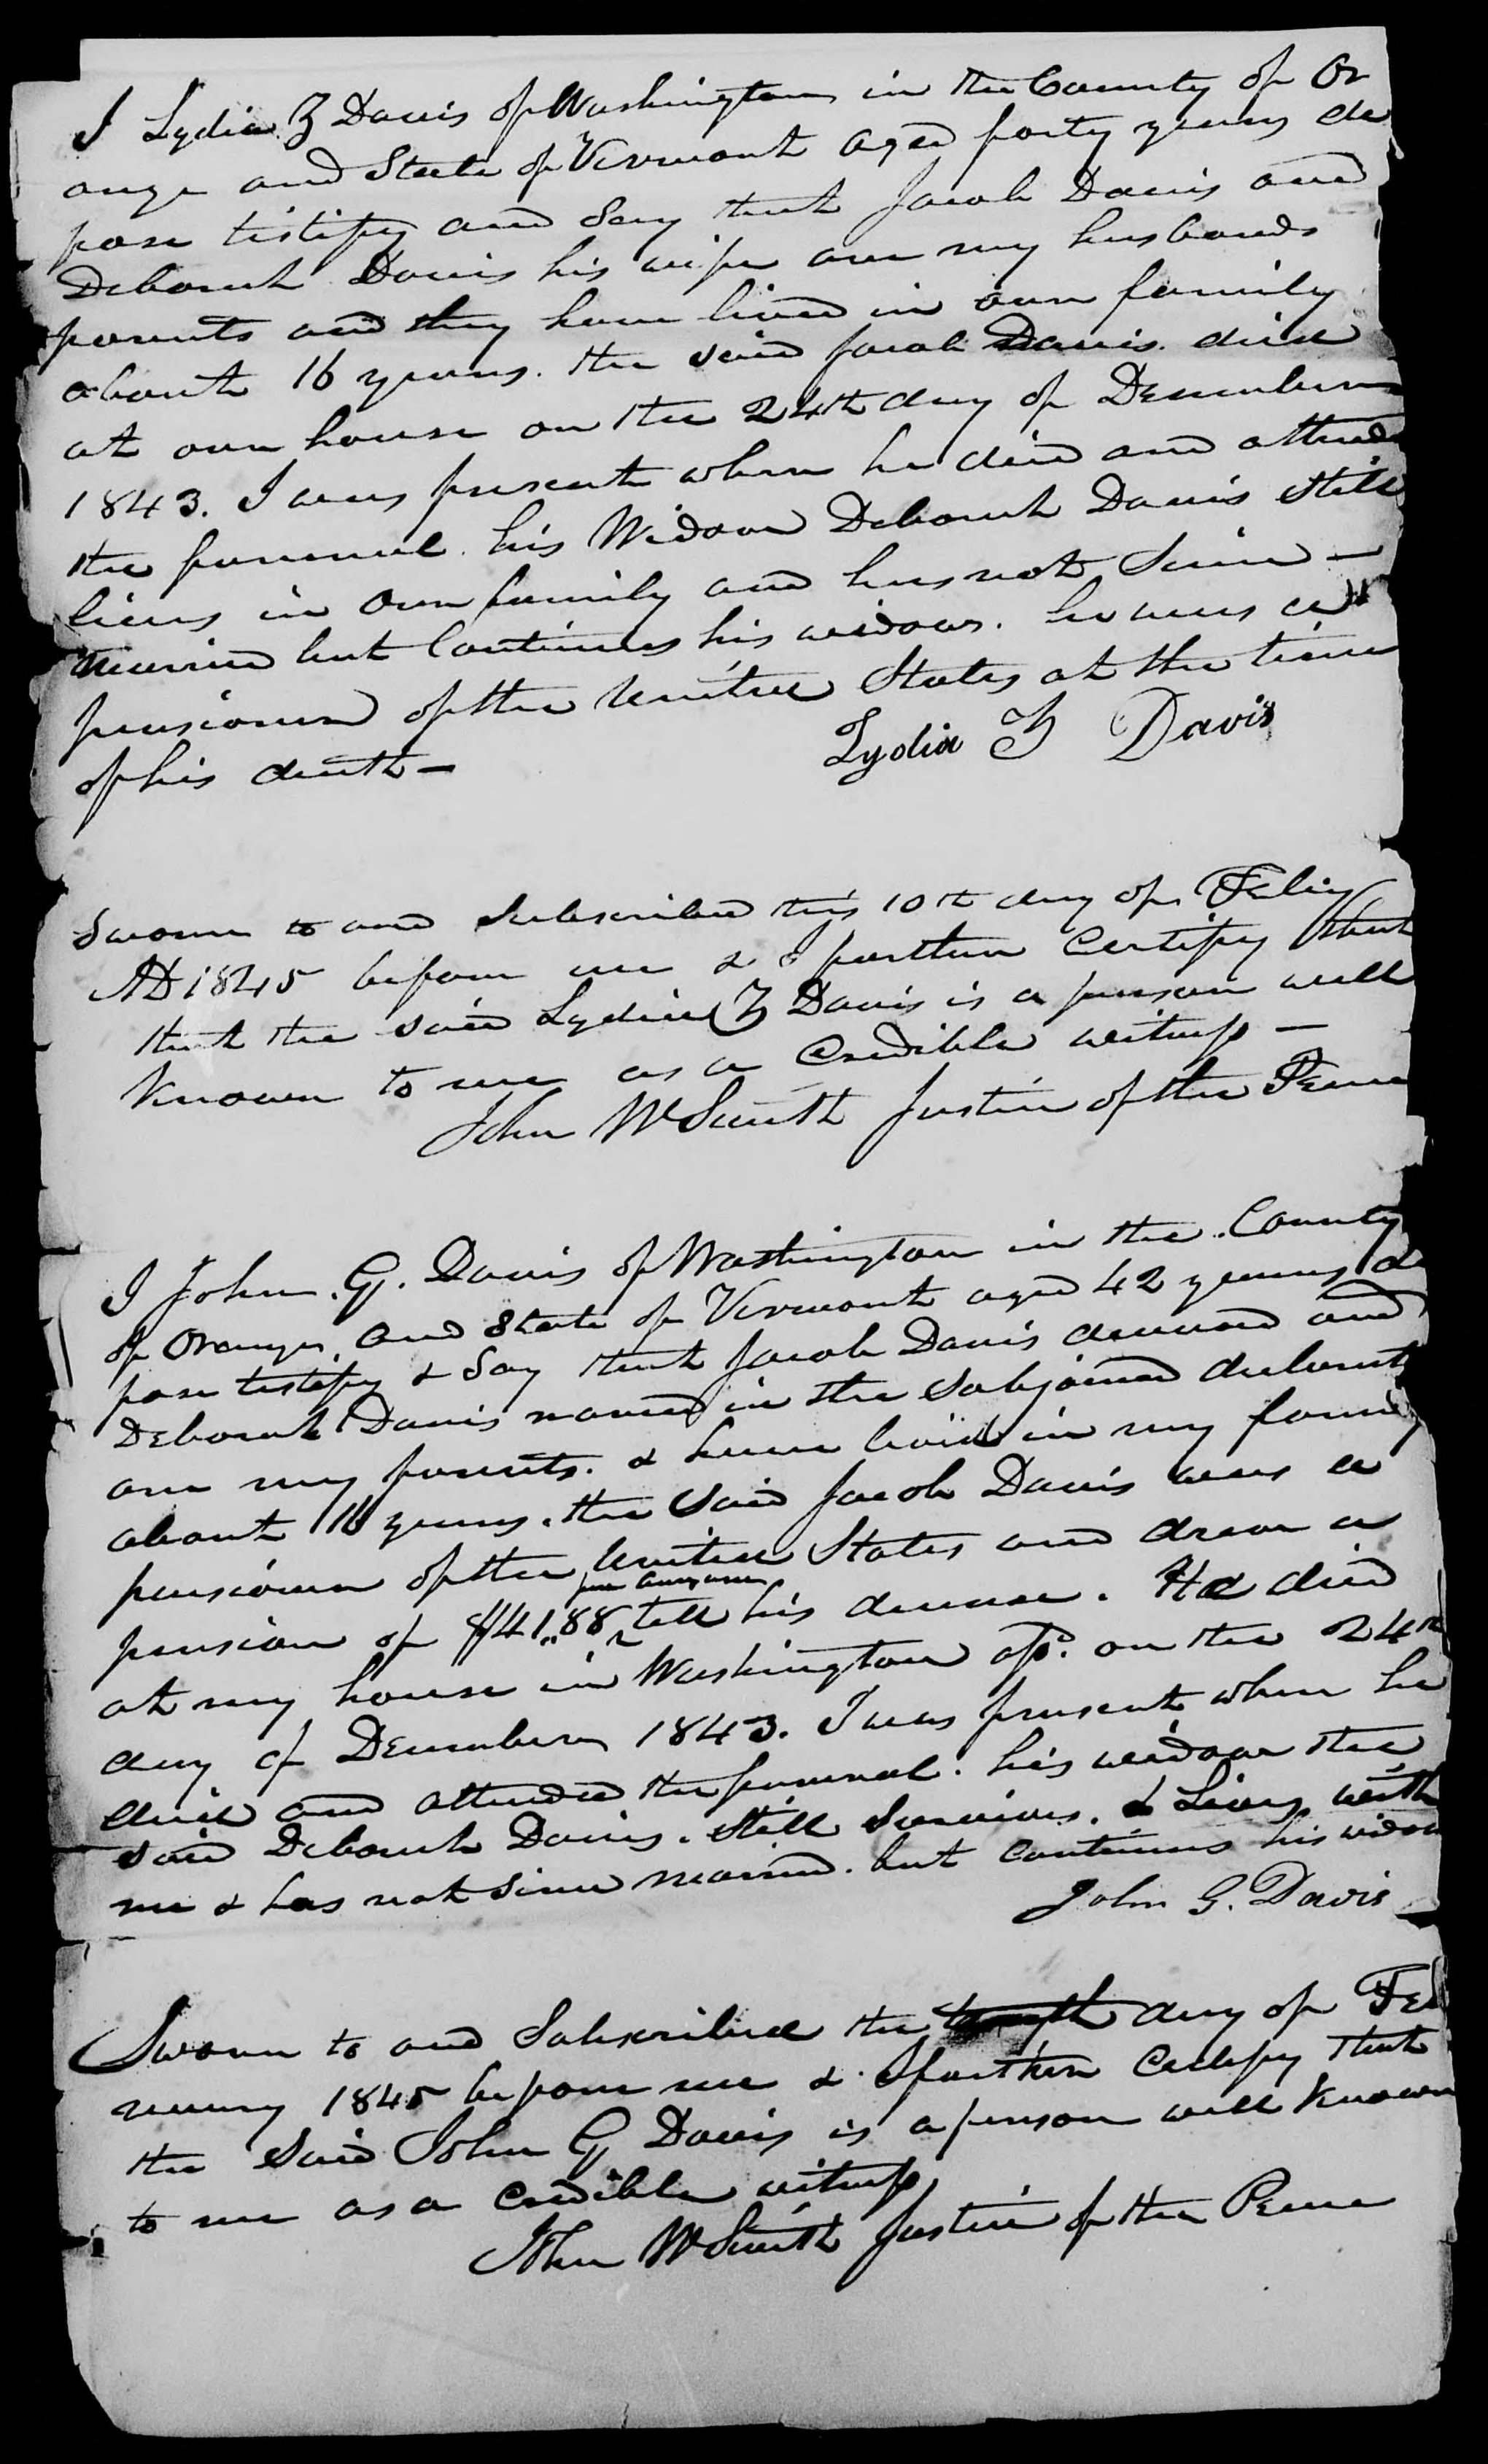I Lydia Z Davis of Washington in the County of Orange and State of Vermont aged forty years depose testify and say that Jacob Davis and
Deborah Davis his wife are my husbands parents and they have lived in our family about 16 years. the said Jacob Davis died at our house on the 24th day of December 1843. I was present when he died and attended the funeral his Widow Deborah Davis Still lives in our family and has not Since married
but continues his widow. he was [illegible]
pensioner of the United States at the time
of his death-
Lydia Z Davis
Sworn to and subscribed this 10th day of Feby AD
1845 before me and I further certify that that the said Lydia Z Davis is a person well known to me
as a credible witness
John W Smith Justice of the Peace
I John G. Davis of Washington in the County of Orange and State of Vermont aged 42 years Depose testify and say that Jacob Davis, deceased and Deborah Davis named in the subjoined declaration are my parents and have lived in my family about 16 years, the said Jacob Davis was a pensioner of the United States and drew a pension of $41.88 per annum till his decease. He died
at my house in Washington afsd [aforesaid] on the 24th day of December 1843. I was present when he
died and attended the funeral. his widow the
said Deborah Davis Still Survives and Lives with me
and has not since married but continues his widow
John G. Davis 
Sworn to and Subscribed the tenth day of
February 1845 before me and I further certify that the said John G Davis is a person well known
to me as a credible witness
John W Smith Justice of the Peace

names: Jacob Davis, Jacob Davis, John G Davis, Deborah Davis, Lydia Z Davis, John W Smith, John W Smith, John G Davis, John G Davis, Deborah Davis, Jacob Davis, Deborah Davis, Deborah Davis, Lydia Z Davis, Lydia Z Davis, Jacob Davis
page: 24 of 47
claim: widow's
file: W. 24043, Jacob Davis, N.H.